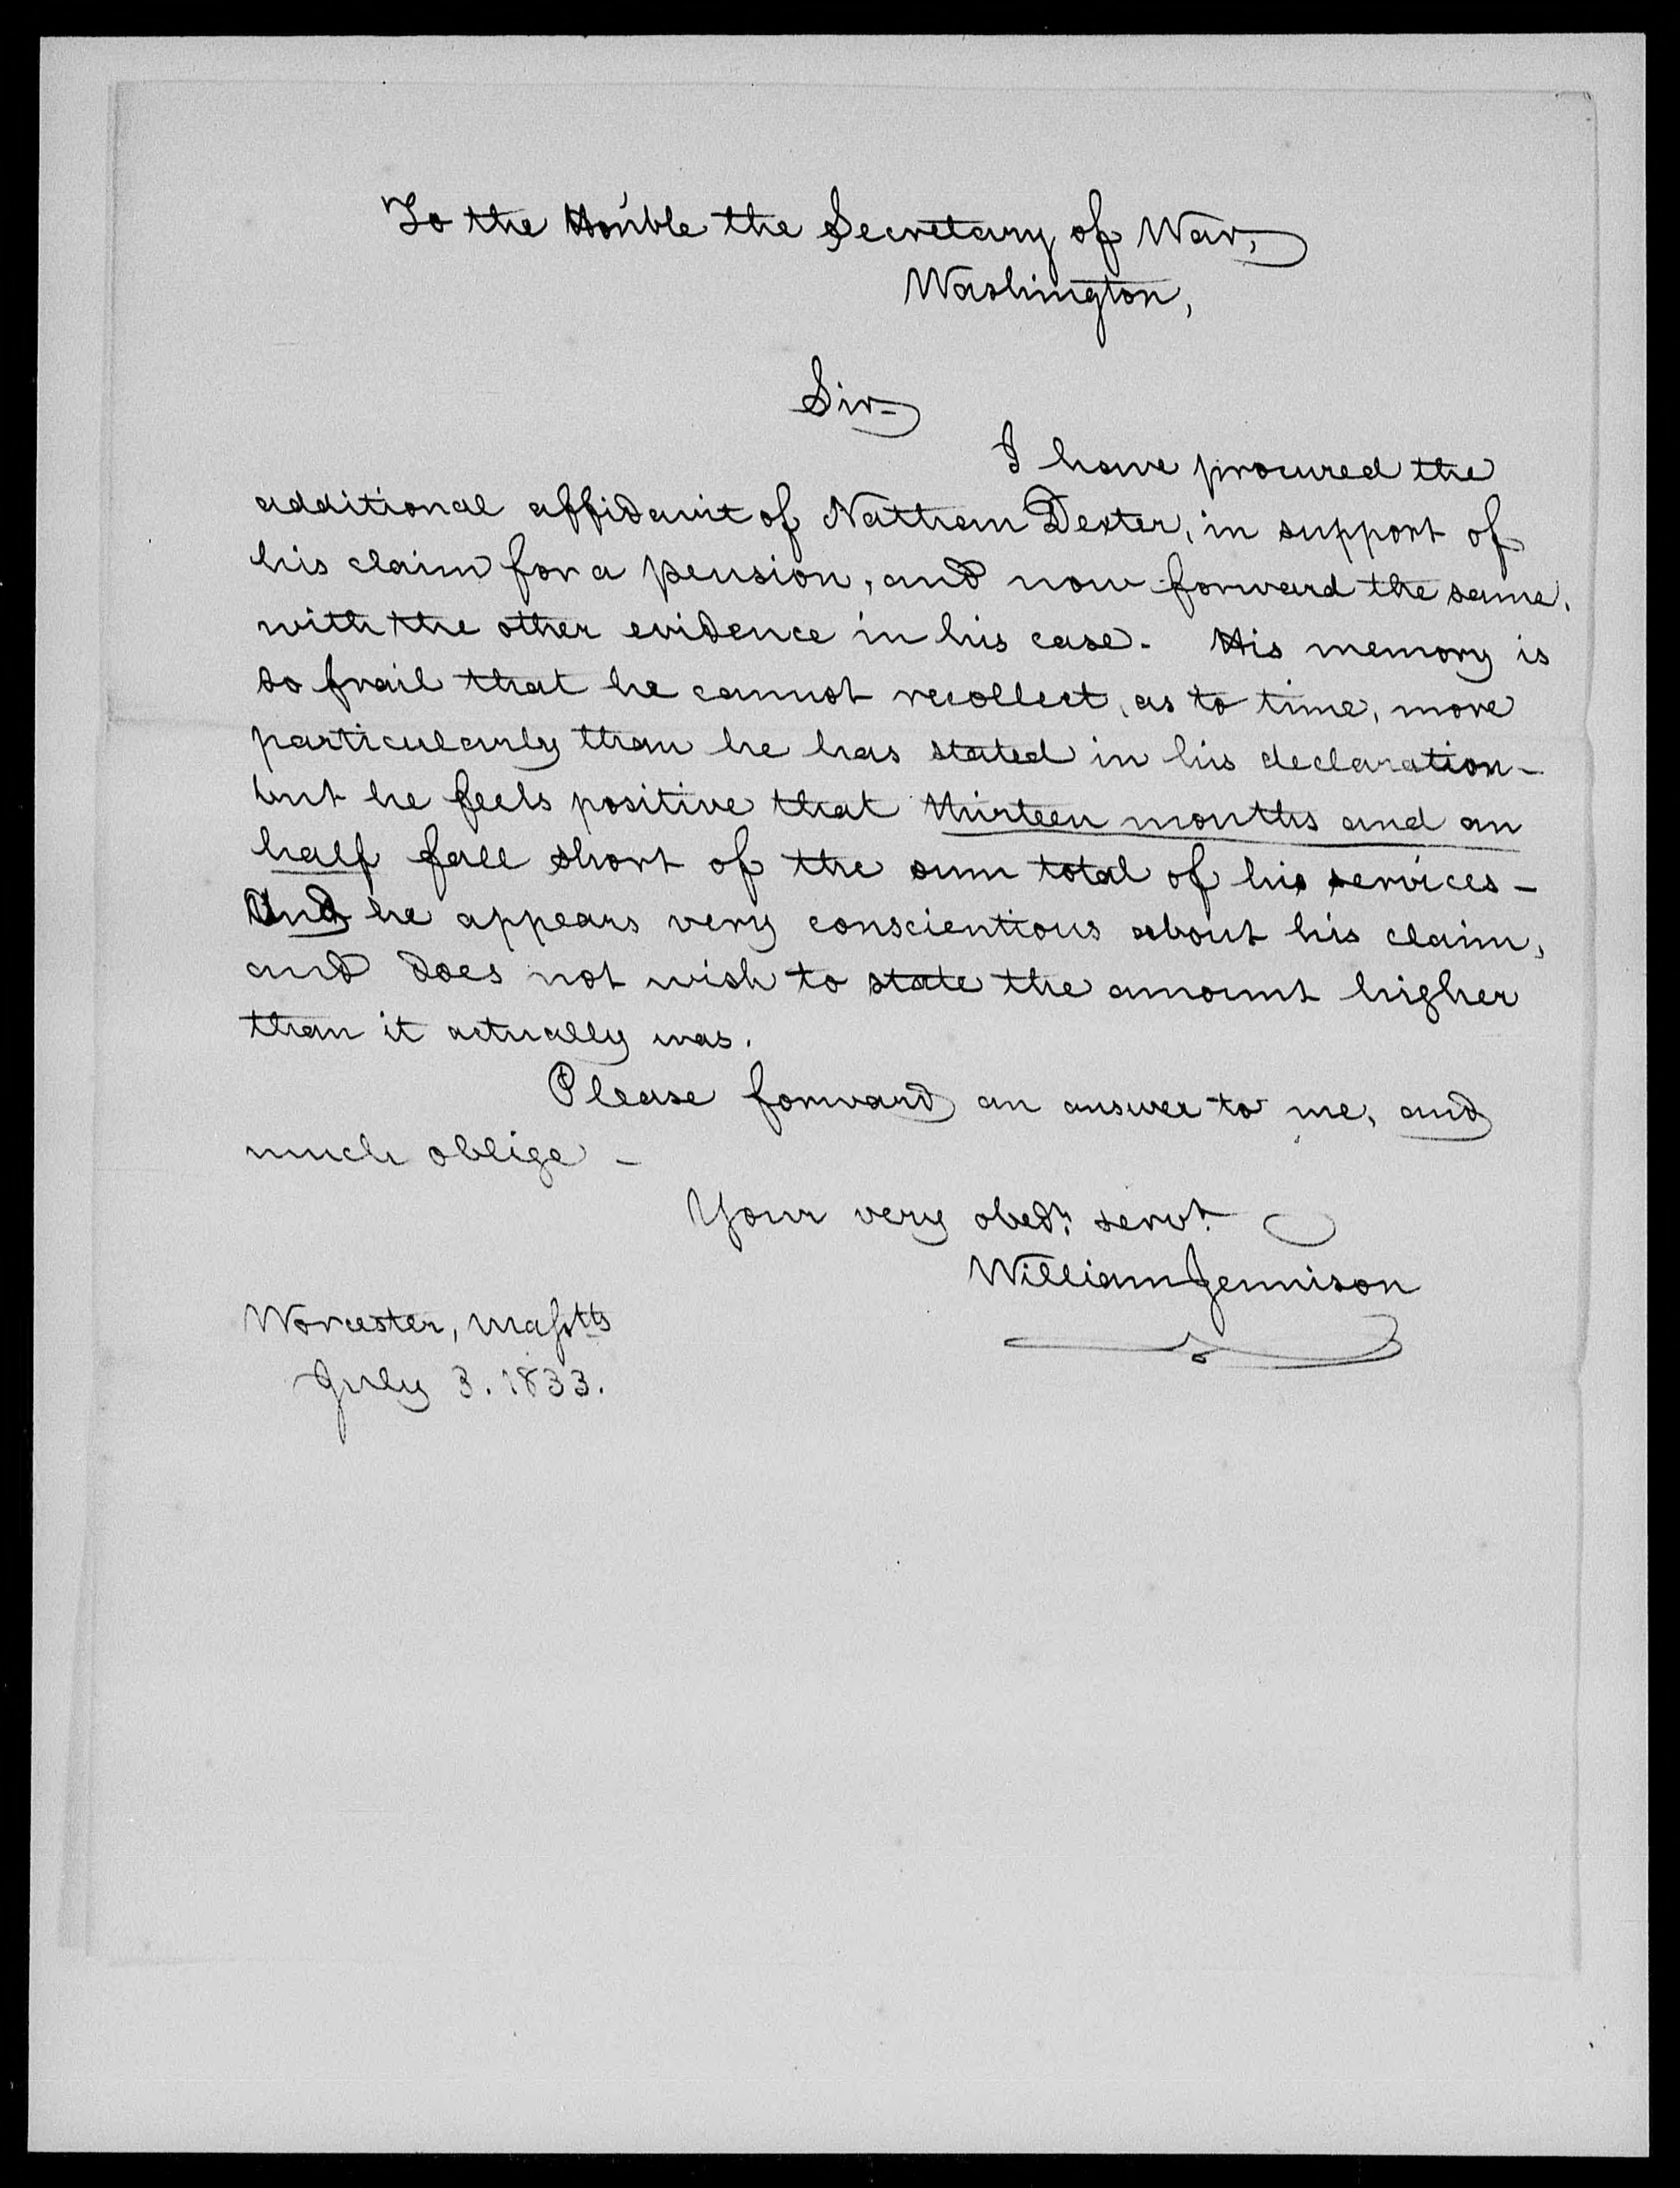To the Hon'ble the Secretary of War,
Washington,
Sir-
I have procured the additional affidavit of Nathan Dexter, in support of his claim for a pension, and now forward the same with the other evidence in his case.  His memory is so frail that he cannot recollect, as to time, more particularly than he has stated in his declaration- but he feels positive that thirteen months and an half fall short of the sum total of his services- And he appears very conscientious about his claim, and does not wish to state the amount higher than it actually was.
Please forward an answer to me, and much oblige-
Your very obedt. servt.
William Jennison
Worcester, Masstts.
July 3, 1833.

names: William Jennison, Nathan Dexter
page: 8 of 35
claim: survivor's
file: S. 18374, Nathan Dexter, R.I.